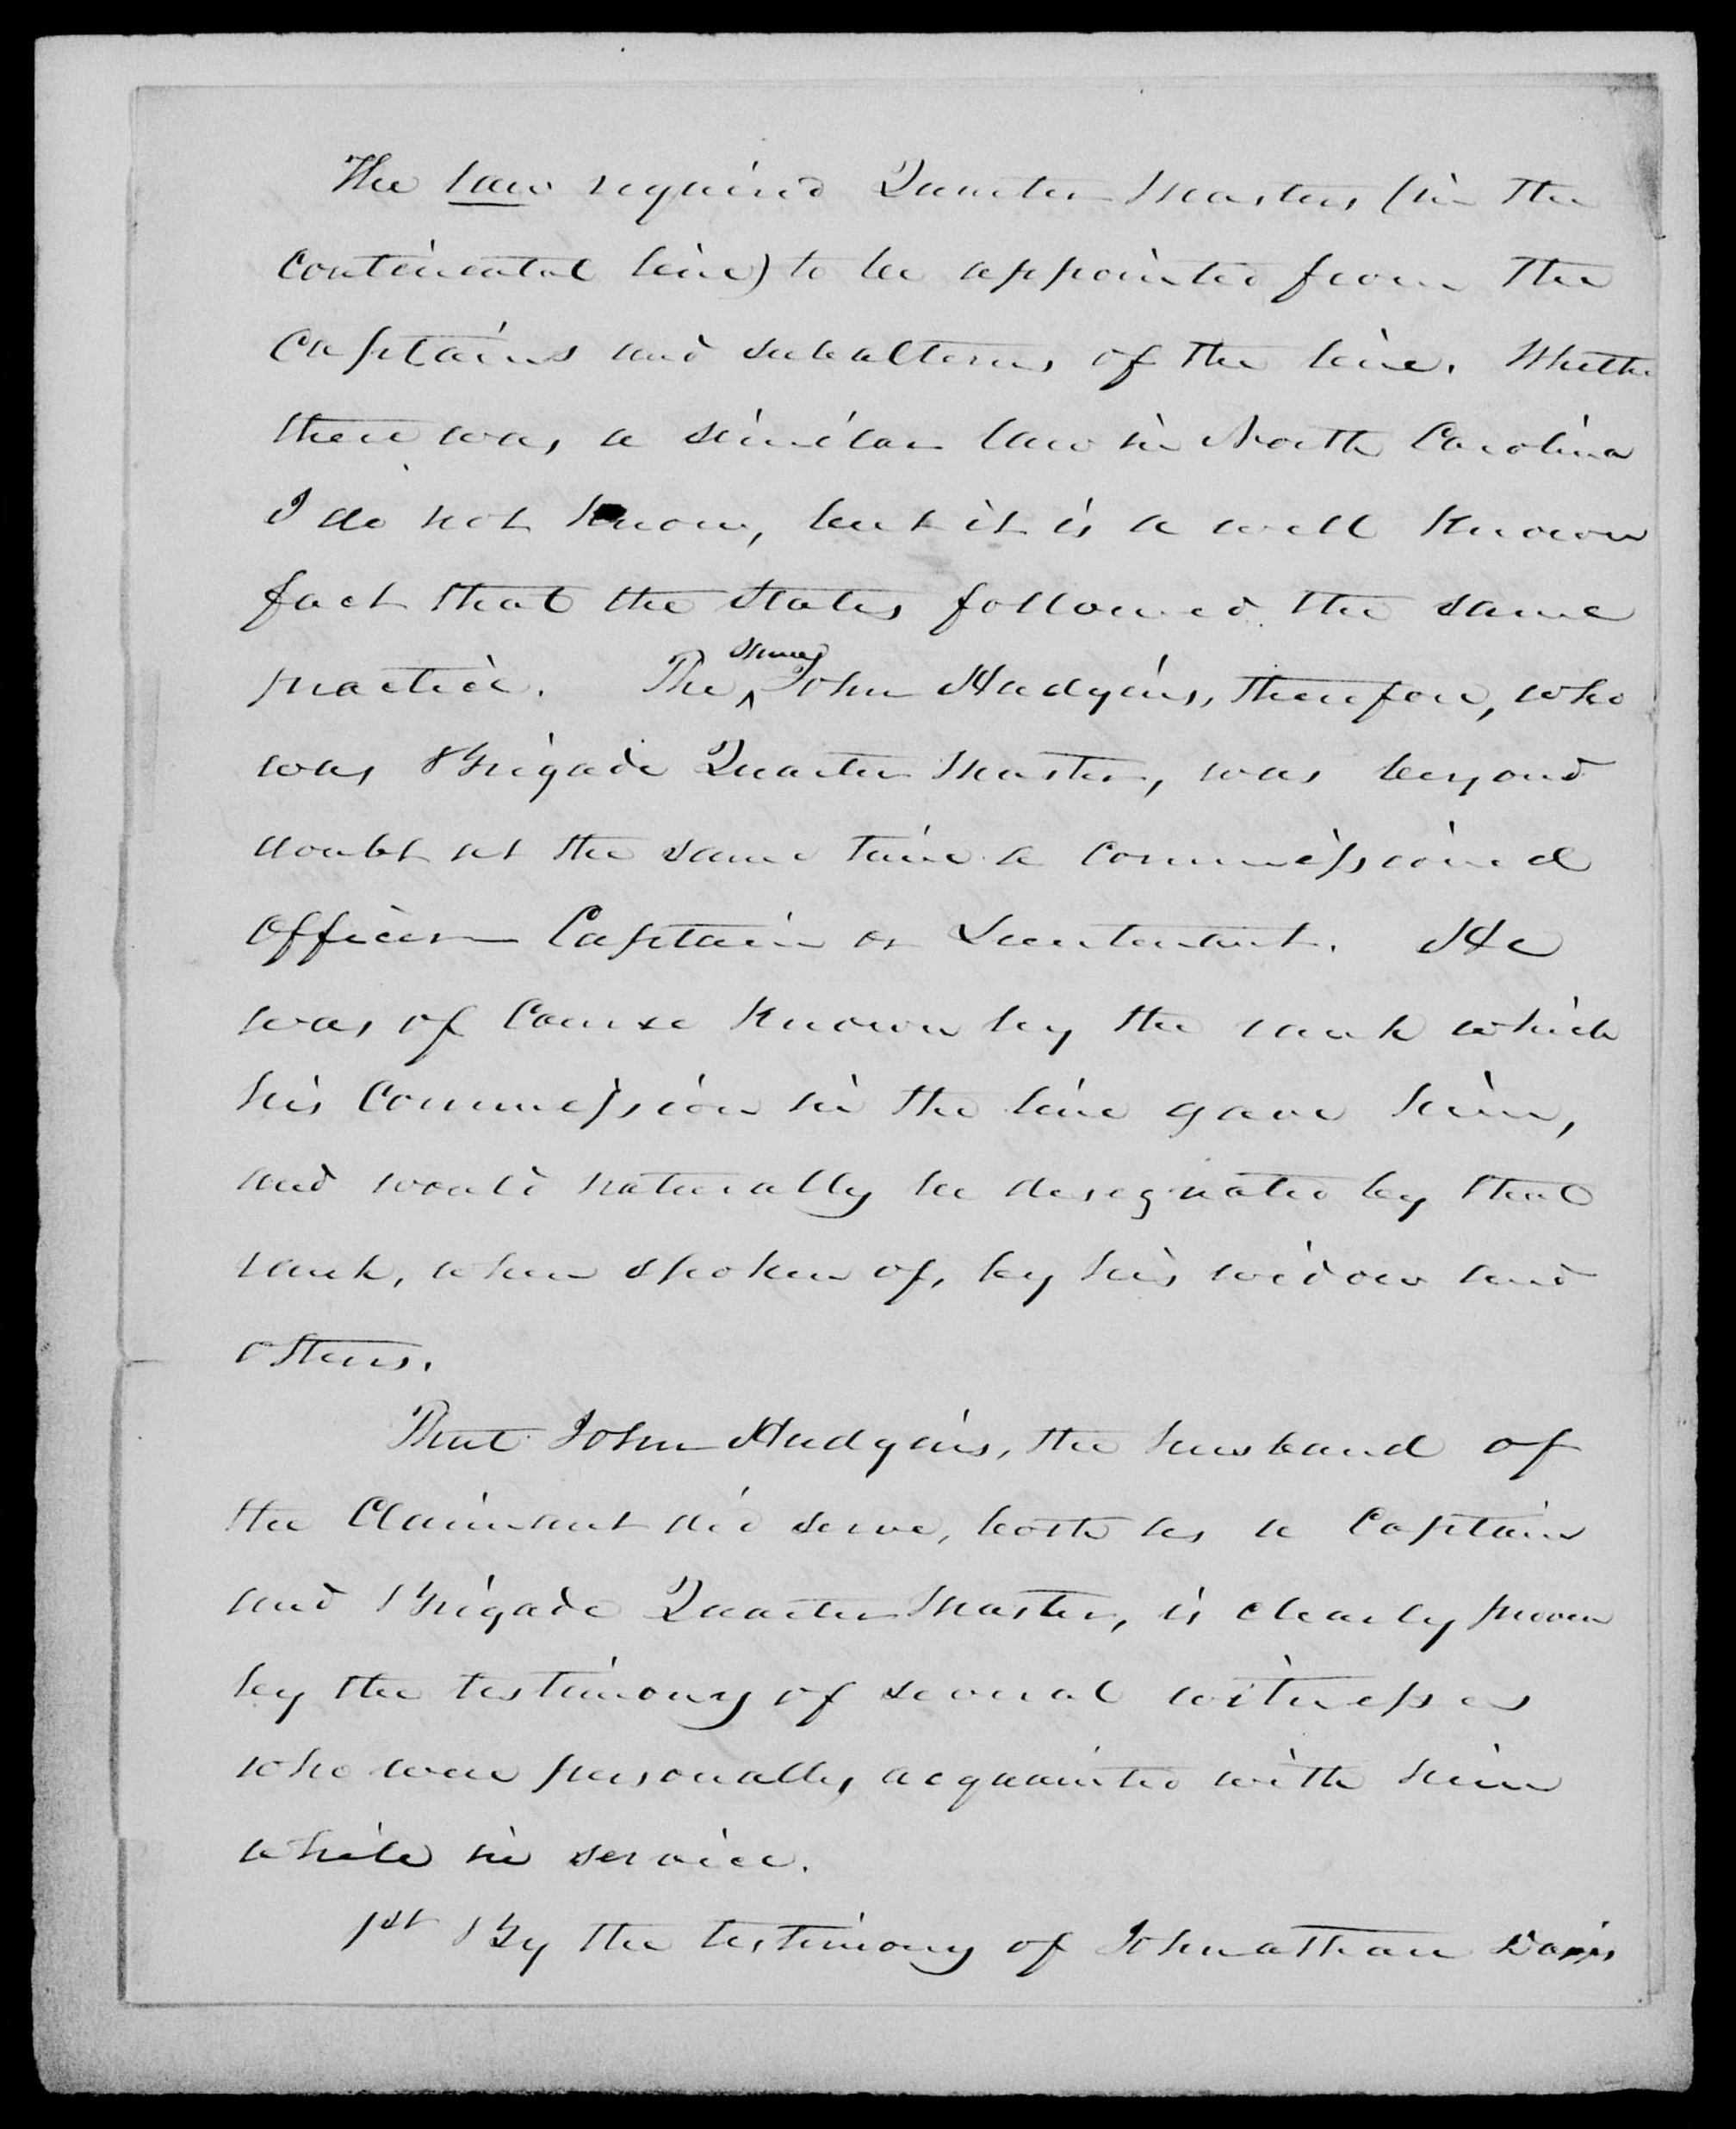The law required Quarter Masters in the Continental line to be appointed from the Captains and (not legible) of the line. Whether there was, a similar law in North Carolina I do not know, but it is a well known fact that the States followed the same practice. The name John Huggins therefore, who was Brigade Quarther Master, was beyond doubt at the same time a commissioned officer Captain or Lieutenant. He was of course known by the work which his commission in the war gave him, and would naturally be designated by that work, when spoken of by his widow and others.
     That John Huggins the husband of the claimant did serve both as a Captain and Brigade Quarter Master, is clearly proven by the testimony of several witnesses who were personally  acquainted with him while in service.
     Just by their testimony of Jonathan Davis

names: Jonathan Davis, John Hudgins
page: 92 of 108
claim: rejected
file: R. 7,515, John Hudgins, N.C.